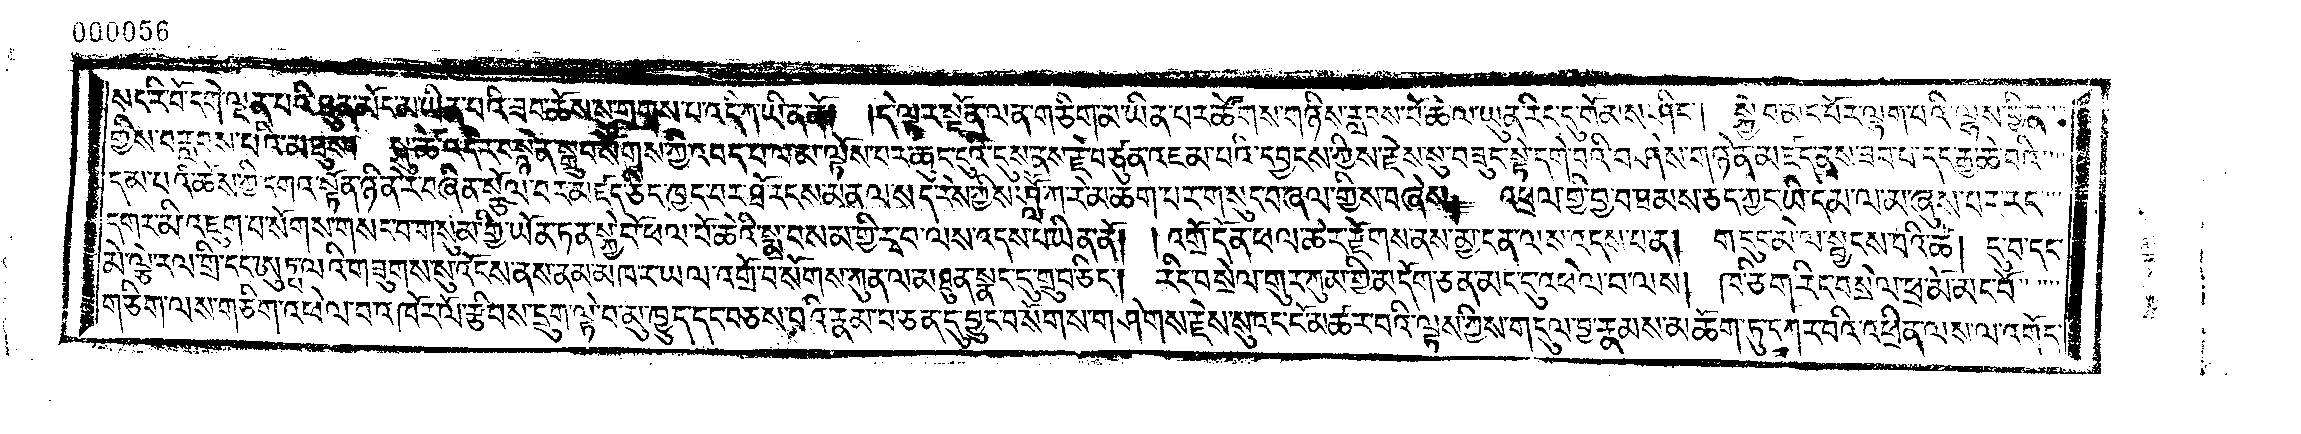སང་རི་བོ་དགེ་ལྡན་པའི་ཐུན་མོང་མ་ཡིན་པའི་ཟབ་ཆོས་སུ་གྲགས་པ་འདི་ཀ་ཡིན་ནོ། །དེ་ལྟར་སྔོན་ལན་གཅིག་མ་ཡིན་པར་ཚོགས་གཉིས་རླབས་པོ་ཆེ་ལ་ཡུན་རིང་དུ་གོམས་ཤིང་། སྐྱེ་བ་མང་པོར་ལྷག་པའི་ལྷས་བྱིན་
གྱིས་བརླབས་པའི་མཐུས། སྐུ་ཚེ་འདིར་བསྙེན་སྒྲུབ་སོགས་ཀྱི་འབད་པ་ལ་མ་ལྟོས་པར་ཆུང་དུའི་དུས་ནས་རྗེ་བཙུན་འཇམ་པའི་དབྱངས་ཀྱིས་རྗེས་སུ་བཟུང་སྟེ་དགེ་བའི་བཤེས་གཉེན་མཛད་ནས་ཟབ་པ་དང་རྒྱ་ཆེ་བའི་
དམ་པའི་ཆོས་ཀྱི་དགའ་སྟོན་ཉིན་རེ་བཞིན་སྩོལ་བར་མཛད་ཅིང་ཁྱད་པར་ཐོ་རངས་མནལ་སད་རེས་ཀྱིས་ཤླཽ་ཀ་རེ་མ་ཆག་པར་གསུང་བ་ཞལ་གྱིས་བཞེས། འཕྲལ་གྱི་བྱ་བ་ཐམས་ཅད་ཀྱང་ཡི་དམ་ལ་མ་ཞུས་པར་རང་
དགར་མི་འཇུག་པ་སོགས་གསང་བ་གསུམ་གྱི་ཡོན་ཏན་སྐྱེ་བོ་ཕལ་པོ་ཆེའི་སྨྲ་བསམ་གྱི་རྭ་བ་ལས་འདས་པ་ཡིན་ནོ། །འགྲོ་དོན་ཕལ་ཆེར་རྫོགས་ནས་མྱ་ངན་ལས་འདས་པ་ན། གདུང་མེ་ལ་སྦྱངས་པའི་ཚེ། དུ་བ་དང་
མེ་ལྕ་རལ་གྲི་དང་ཨུཏྤ་ལའི་གཟུགས་སུ་འོངས་ནས་ནམ་མཁར་ཡལ་འགྲོ་བ་སོགས་ཀུན་ལ་མཐུན་སྣང་དུ་གྲུབ་ཅིང་། རིང་བསྲེལ་གུར་ཀུམ་གྱི་མདོག་ཅན་མང་དུ་འཕེལ་པ་ལས། ཁ་ཅིག་རིང་བསྲེལ་ཕྲ་མོ་མང་པོ་
གཅིག་ལས་གཅིག་འཕེལ་བ་འཁོར་ལོ་རྩིབས་དྲུག་ལྟེ་བ་མུ་ཁྱུད་དང་བཅས་པའི་རྣམ་པ་ཅན་དུ་བྱུང་བ་སོགས་གཤེགས་རྗེས་སུའང་ངོ་མཚར་བའི་ལྟས་ཀྱིས་གདུལ་བྱ་རྣམས་མཆོག་ཏུ་དཀར་བའི་འཕྲིན་ལས་ལ་འགོང་